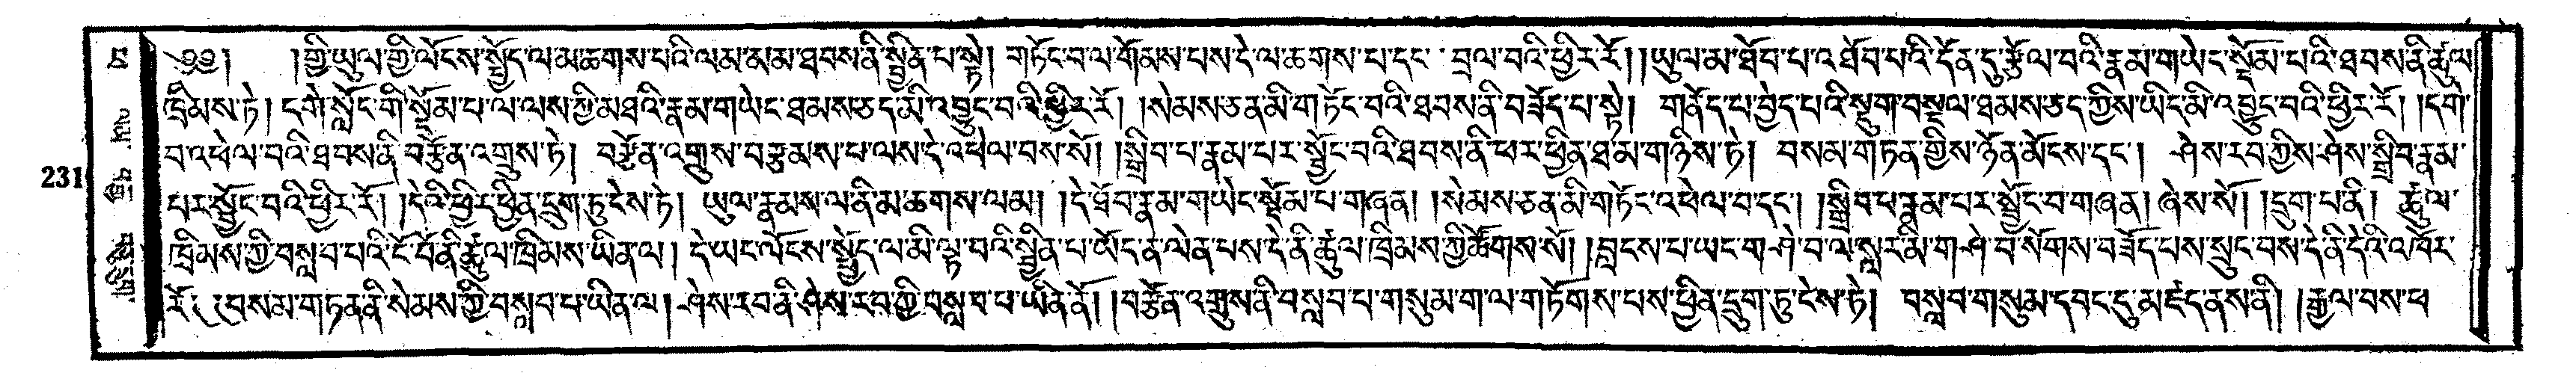༄༅། །གྱི་ཡུལ་གྱི་ལོངས་སྤྱོད་ལ་མ་ཆགས་པའི་ལམ་མམ་ཐབས་ནི་སྦྱིན་པ་སྟེ། གཏོང་བ་ལ་གོམས་པས་དེ་ལ་ཆགས་པ་དང་བྲལ་བའི་ཕྱིར་རོ། །ཡུལ་མ་ཐོབ་པ་འཐོབ་པའི་དོན་དུ་རྩོལ་བའི་རྣམ་གཡེང་སྡོམ་པའི་ཐབས་ནི་ཚུལ་
ཁྲིམས་ཏེ། དགེ་སློང་གི་སྡོམ་པ་ལ་ལས་ཀྱི་མཐའི་རྣམ་གཡེང་ཐམས་ཅད་མི་འབྱུང་བའི་ཕྱིར་རོ། །སེམས་ཅན་མི་གཏོང་བའི་ཐབས་ནི་བཟོད་པ་སྟེ། གནོད་པ་བྱེད་པའི་སྡུག་བསྔལ་ཐམས་ཅད་ཀྱིས་ཡིད་མི་འབྱུང་བའི་ཕྱིར་རོ། །དགེ་
བ་འཕེལ་བའི་ཐབས་ནི་བརྩོན་འགྲུས་ཏེ། བརྩོན་འགྲུས་བརྩམས་པ་ལས་དེ་འཕེལ་བས་སོ། །སྒྲིབ་པ་རྣམ་པར་སྦྱོང་བའི་ཐབས་ནི་ཕར་ཕྱིན་ཐ་མ་གཉིས་ཏེ། བསམ་གཏན་གྱིས་ཉོན་མོངས་དང་། ཤེས་རབ་ཀྱིས་ཤེས་སྒྲིབ་རྣམ་
པར་སྦྱོང་བའི་ཕྱིར་རོ། །དེའི་ཕྱིར་ཕྱིན་དྲུག་ཏུ་ངེས་ཏེ། ཡུལ་རྣམས་ལ་ནི་མ་ཆགས་ལམ། །དེ་ཐོབ་རྣམ་གཡེང་སྡོམ་པ་གཞན། །སེམས་ཅན་མི་གཏོང་འཕེལ་བ་དང་། །སྒྲིབ་པ་རྣམ་པར་སྦྱོང་བ་གཞན། ཞེས་སོ། །དྲུག་པ་ནི། ཚུལ་
ཁྲིམས་ཀྱི་བསླབ་པའི་ངོ་བོ་ནི་ཚུལ་ཁྲིམས་ཡིན་ལ། དེ་ཡང་ལོངས་སྤྱོད་ལ་མི་ལྟ་བའི་སྦྱིན་པ་ཡོད་ན་ལེན་པས་དེ་ནི་ཚུལ་ཁྲིམས་ཀྱི་ཚོགས་སོ། །བླངས་པ་ཡང་གཤེ་བ་ལ་སླར་མི་གཤེ་བ་སོགས་བཟོད་པས་སྲུང་བས་དེ་ནི་དེའི་འཁོར་
རོ༑ ༑བསམ་གཏན་ནི་སེམས་ཀྱི་བསླབ་པ་ཡིན་ལ། ཤེས་རབ་ནི་ཤེས་རབ་ཀྱི་བསླབ་པ་ཡིན་ནོ། །བརྩོན་འགྲུས་ནི་བསླབ་པ་གསུམ་ག་ལ་གཏོགས་པས་ཕྱིན་དྲུག་ཏུ་ངེས་ཏེ། བསླབ་གསུམ་དབང་དུ་མཛད་ནས་ནི། །རྒྱལ་བས་ཕ་